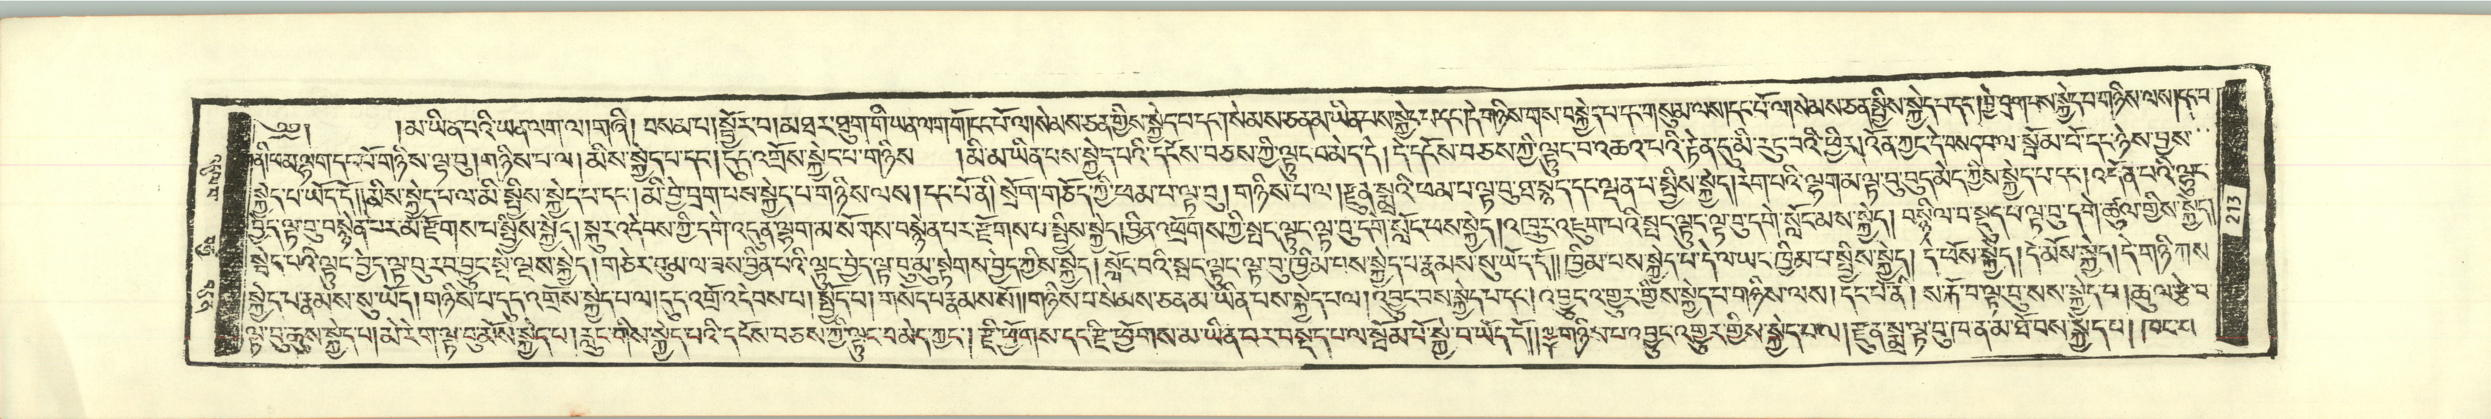༄༅། །མ་ཡིན་པའི་ཡན་ལག་ལ། གཞི། བསམ་པ། སྦྱོར་བ། མཐར་ཐུག་གི་ཡན་ལག་གོ། །དང་པོ་ལ། སེམས་ཅན་གྱིས་སྐྱེད་པ་དང་། སེམས་ཅན་མ་ཡིན་པས་སྐྱེད་པ་དང་། དེ་གཉིས་གས་བསྐྱེད་པ་དང་གསུམ་ལས། དང་པོ་ལ། སེམས་ཅན་སྤྱིས་སྐྱེད་པ་དང་། བྱེ་བྲག་པས་སྐྱེད་པ་གཉིས་ལས། དང་པོ་
ནི། ཕམ་ལྷག་དང་པོ་གཉིས་ལྟ་བུ། གཉིས་པ་ལ། མིས་སྐྱེད་པ་དང་། དུད་འགྲོས་སྐྱེད་པ་གཉིས་།མི་མ་ཡིན་པས་སྐྱེད་པའི་དངོས་བཅས་ཀྱི་ལྟུང་བ་མེད་དེ། དེ་དངོས་བཅས་ཀྱི་ལྟུང་བ་འཆའ་བའི་རྟེན་དུ་མི་རུང་བའི་ཕྱིར། འོན་ཀྱང་དེ་བསད་པ་ལ་སྦོམ་པོ་དང་ཉེས་བྱས་
སྐྱེད་པ་ཡོད་དོ། །མིས་སྐྱེད་པ་ལ་མི་སྤྱིས་སྐྱེད་པ་དང་། མི་བྱེ་བྲག་པས་སྐྱེད་པ་གཉིས་ལས། དང་པོ་ནི། སྲོག་གཅོད་ཀྱི་ཕམ་པ་ལྟ་བུ། གཉིས་པ་ལ། རྫུན་སྨྲའི་ཕམ་པ་ལྟ་བུ་ཐ་སྙད་དང་ལྡན་པ་སྤྱིས་སྐྱེད། རེག་པའི་ལྷག་མ་ལྟ་བུ་བུད་མེད་ཀྱིས་སྐྱེད་པ་དང་། འདོན་པའི་ལྷུང་
བྱེད་ལྟ་བུ་བསྙེན་པར་མ་རྫོགས་པ་སྤྱིས་སྐྱེད། སྐུར་འདེབས་ཀྱི་དགེ་འདུན་ལྷག་མ་སོགས་བསྙེན་པར་རྫོགས་པ་སྤྱིས་སྐྱེད། བྱིན་འཕྲོགས་ཀྱི་སྤང་ལྟུང་ལྟ་བུ་དགེ་སློང་ཕས་སྐྱེད། འཁྲུར་འཇུག་པའི་སྤད་ལྟུང་ལྟ་བུ་དགེ་སློང་མས་སྐྱེད། བསྙིལ་བ་སྡུད་པ་ལྟ་བུ་དགེ་ཚུལ་གྱིས་སྐྱེད།
སྦེད་པའི་ལྟུང་བྱེད་ལྟ་བུ་རབ་བྱུང་སྡེ་ལྔས་སྐྱེད། གཅེར་བུམ་ལ་ཟས་བྱིན་པའི་ལྟུང་བྱེད་ལྟ་བུ་མུ་སྟེགས་བྱེད་ཀྱིས་སྐྱེད། སློང་བའི་སྤང་ལྟུང་ལྟ་བུ་ཁྱིམ་པས་སྐྱེད་པ་རྣམས་སུ་ཡོད་དོ། །ཁྱིམ་པས་སྐྱེད་པ་དེ་ལ་ཡང་ཁྱིམ་པ་སྤྱིས་སྐྱེད། དེ་ཕོས་སྐྱེད། དེ་མོས་སྐྱེད། དེ་གཉི་ཀས་
སྐྱེད་པ་རྣམས་སུ་ཡོད། གཉིས་པ་དུད་འགྲོས་སྐྱེད་པ་ལ། དུད་འགྲོ་འདེབས་པ། སྤྱོད་པ། གསོད་པ་རྣམས་སོ། །གཉིས་པ་སེམས་ཅན་མ་ཡིན་པས་སྐྱེད་པ་ལ། འབྱུང་བས་སྐྱེད་པ་དང་། འབྱུང་འགྱུར་གྱིས་སྐྱེད་པ་གཉིས་ལས། དང་པོ་ནི། ས་རྐོ་བ་ལྟ་བུ་སས་སྐྱེད་པ། ཆུ་ལ་རྩེ་བ་
ལྟ་བུ་ཆུས་སྐྱེད་པ། མེ་རེག་ལྟ་བུ་མོས་སྐྱེད་པ། རླུང་གིས་སྐྱེད་པའི་དངོས་བཅས་ཀྱི་ལྟུང་བ་མེད་ཀྱང་། རྫི་ཕྱོགས་དང་རྫི་ཕྱོགས་མ་ཡིན་པར་བསྡད་པ་ལ་སྦོམ་པོ་སྐྱེ་བ་ཡོད་དོ།། ༈ གཉིས་པ་འབྱུང་འགྱུར་གྱིས་སྐྱེད་པ་ལ། རྫུན་སྨྲ་ལྟ་བུ་ཁ་ན་མ་ཐོ་བས་སྐྱེད་པ། ཁང་པ་